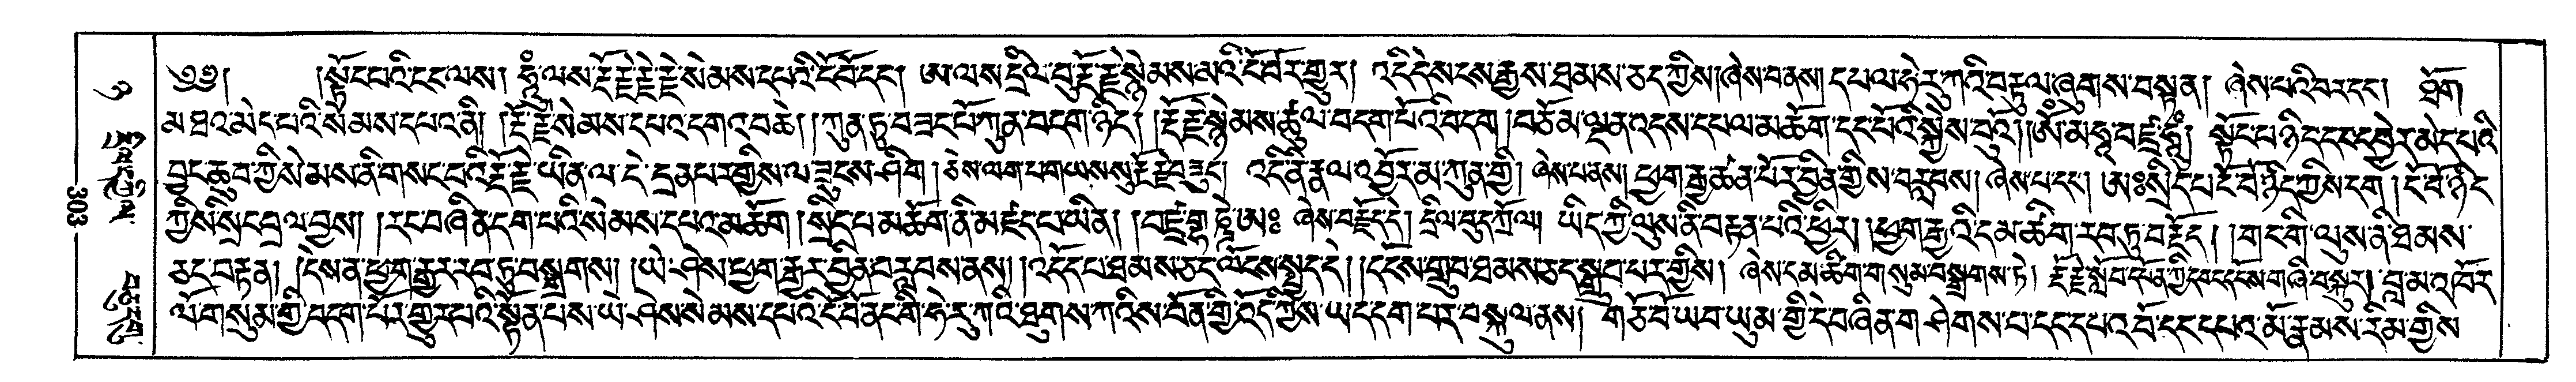༄༅། །སྟོང་པའི་ངང་ལས། ཧཱུཾ་ལས་རྡོ་རྗེ་རྡོ་རྗེ་སེམས་དཔའི་ངོ་བོ་དང་། ཨ་ལས་དྲིལ་བུ་རྡོ་རྗེ་སྙེམས་མའི་ངོ་བོར་གྱུར། འདི་དེ་སངས་རྒྱས་ཐམས་ཅད་ཀྱིས། ཞེས་པ་ནས། དཔལ་ཧེ་རུ་ཀའི་བརྟུལ་ཞུགས་བསྟན། ཞེས་པའི་བར་དང་། ཐོག་
མཐའ་མེད་པའི་སེམས་དཔའ་ནི། །རྡོ་རྗེ་སེམས་དཔའ་དགའ་པ་ཆེ། །ཀུན་ཏུ་བཟང་པོ་ཀུན་བདག་ཉིད། །རྡོ་རྗེ་སྙེམས་ཚུལ་བདག་པོའི་བདག། བཅོམ་ལྡན་འདས་དཔལ་མཆོག་དང་པོའི་སྐྱེས་བུ་བུའོ། །ཨོཾ་མ་ཧཱ་བཛྲ་ཧཱུཾ། སྟོང་པ་ཉིད་དང་དབྱེར་མེད་པའི་
བྱང་ཆུབ་ཀྱི་སེམས་ནི་གསང་བའི་རྡོ་རྗེ་ཡིན་ལ་དེ་དྲན་པར་གྱིས་ལ་ཟུངས་ཤིག །ཅེས་ལག་པ་གཡས་སུ་རྡོ་རྗེ་བཟུང་། འདི་ནི་རྣལ་འབྱོར་མ་ཀུན་གྱི། ཞེས་པ་ནས། ཕྱག་རྒྱ་ཆེན་པོར་བྱིན་གྱིས་བརླབས། ཞེས་པ་དང་། ཨཿསྲིད་པ་ངོ་བོ་ཉིད་ཀྱིས་དག །ངོ་བོ་ཉིད་
ཀྱིས་སྲིད་བྲལ་བྱས། །རང་བཞིན་དག་པའི་སེམས་དཔའ་མཆོག །སྲིད་པ་མཆོག་ནི་མཛད་པ་ཡིན། །བཛྲ་གྷཎྜེ་ཨཿ ཞེས་བརྗོད་དེ། དྲིལ་བུ་དཀྲོལ། ཡིད་ཀྱིས་ལུས་ནི་བརྟན་པའི་ཕྱིར། །ཕྱག་རྒྱའི་དམ་ཚིག་རབ་ཏུ་བརྗོད། །གང་གི་ལུས་ནི་ཐམས་
ཅད་བརྟན། །དེས་ན་ཕྱག་རྒྱར་རབ་ཏུ་བསྒྲགས། །ཡེ་ཤེས་ཕྱག་རྒྱར་བྱིན་བརླབས་ནས། །འདོད་པ་ཐམས་ཅད་ལོངས་སྤྱོད་དེ། །དངོས་གྲུབ་ཐམས་ཅད་སྒྲུབ་པར་གྱེས། ཞེས་དམ་ཚིག་གསུམ་བསྒྲགས་ཏེ། རྡོ་རྗེ་སློབ་དཔོན་གྱི་དབང་དངོས་གཞི་བསྐུར། བླ་མ་འཁོར་
ལོ་གསུམ་གྱི་བདག་པོར་གྱུར་པའི་སྟོན་པས་ཡེ་ཤེས་སེམས་དཔའི་ངོ་བོ་ནང་གི་ཧེ་རུ་ཀའི་ཐུགས་ཀའི་ས་བོན་གྱི་འོད་ཀྱིས་ཡང་དག་པར་བསྐུལ་ནས། གཙོ་བོ་ཡབ་ཡུམ་གྱི་དེ་བཞིན་གཤེགས་པ་དང་དཔའ་བོ་དང་དཔའ་མོ་རྣམས་རིམ་གྱིས་